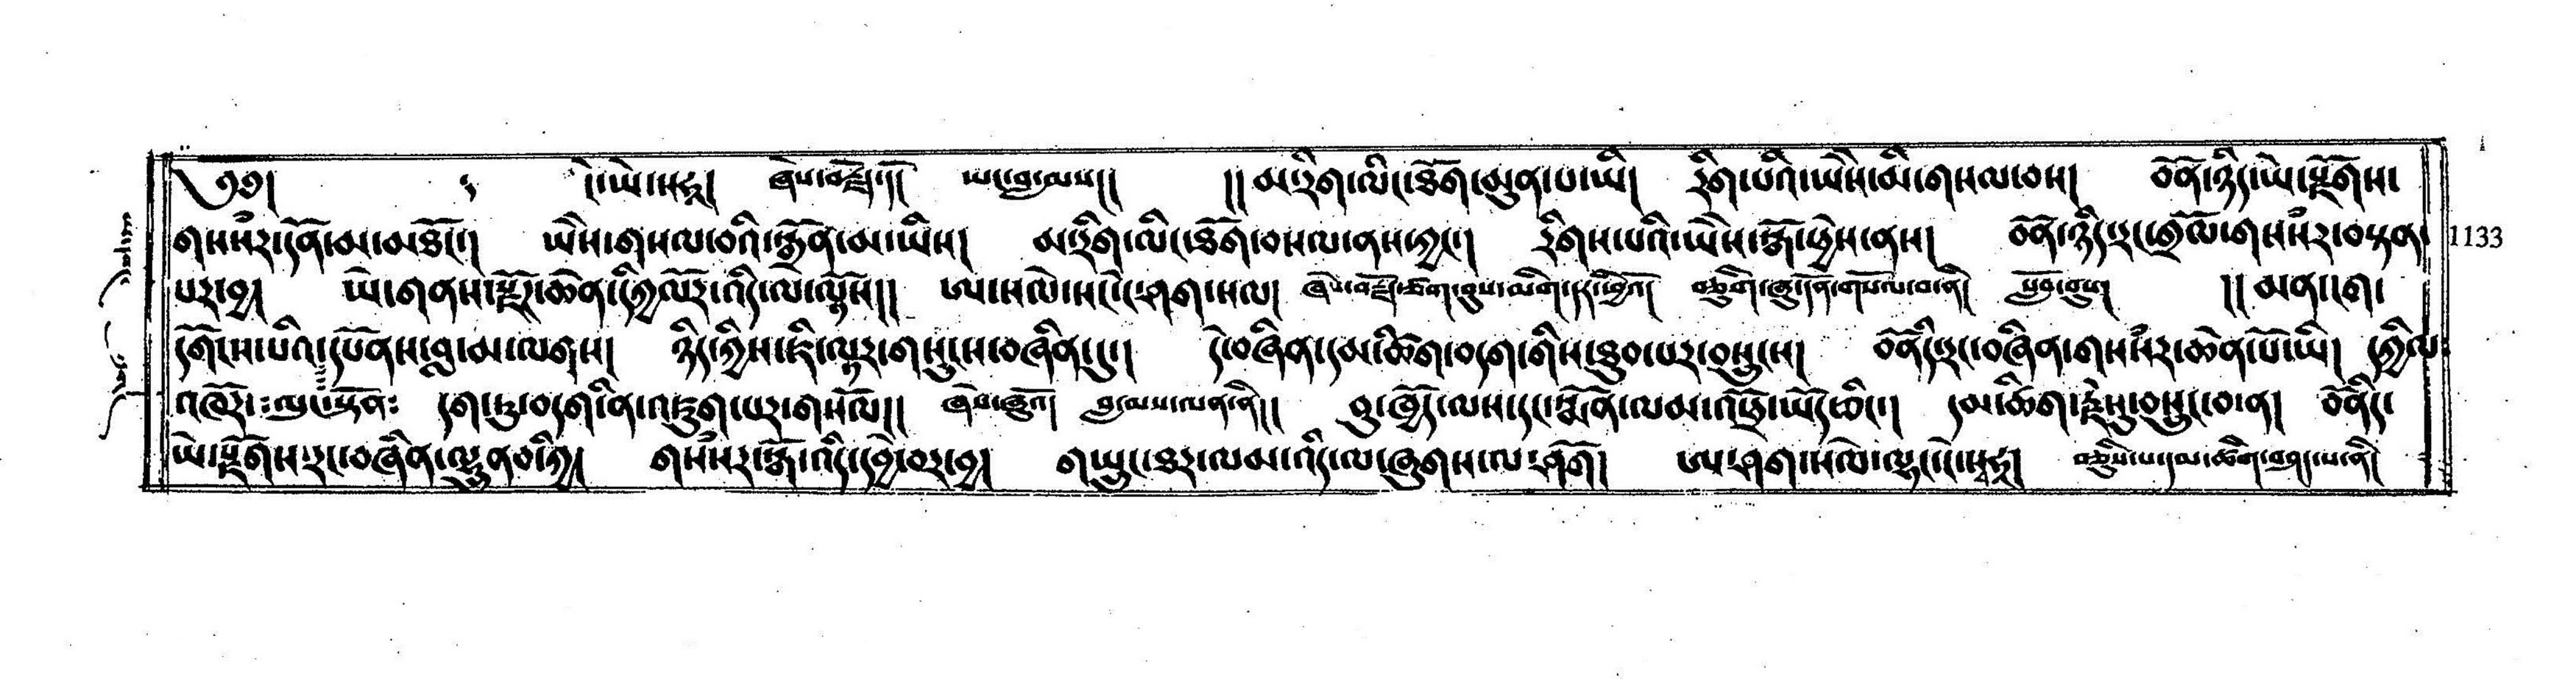ངེ་ཡེ་སཧཱ། ཞེས་བརྗོད་དོ། ཡང་བླ་མས།། །།མ་རིག་ལིང་ཐོག་མུན་པ་ཡི། རིག་པའི་ཡེ་ཤེས་མི་གསལ་བས། བོན་ཉིད་ཡེ་རྫོགས་
གསས་མཁར་དོན་མ་མཐོང་། ཡེ་ཤེས་གསལ་བའི་སྒྲོན་མ་ཡིས། མ་རིག་ལིང་ཐོག་བསལ་ནས་ཀྱང་། རིགས་པའི་ཡེ་ཤེས་སྒོ་ཕྱེས་ནས། བོན་ཉིད་རང་གྲོལ་གསས་མཁར་བསྟན་
པར་བྱ། ཡེ་གནས་རྫོགས་ཆེན་དཀྱིལ་འཁོར་འདི་ལ་ལྟོས།། ཨ་སལེ་སང་ངེ་ཤག་སལ། ཞེས་བརྗོད་ཙག་བུས་མིག་དར་ཕྱིའོ། བཅུ་གཅིག་ཞུ་དོན་གསོལ་བ་ནི། སློབ་བུས། །།མན་ངག་
དགོངས་པའི་ལུང་སྟོན་དཔོན་གསས་བླ་མ་ལགས། ཉིད་ཀྱིས་ཇི་ལྟར་གསུངས་བཞིན་དུ། དེ་བཞིན་དམ་ཚིག་བདག་གིས་ཐུབ་པར་བསྲུངས། བོན་ཉིད་རང་བཞིན་གསས་མཁར་ཆེན་པོ་ཡི། དཀྱིལ་
འཁོར་དག་ཏུ་བདག་ནི་འཇུག་པར་གསོལ།། ཞེས་ཞུའོ། བླ་མས་ལན་ནི།། བུ་ཁྱོད་ལས་དང་སྨོན་ལམ་འཕྲོ་ཡོད་ཅིང་། དམ་ཚིག་རྗེས་སུ་བསྲུང་བ་ན། བོན་ཉིད་
ཡེ་རྫོགས་རང་བཞིན་ལྷུན་གྲུབ་ཀྱི། གསས་མཁར་སྒོ་འདི་དབྱེ་བར་བྱ། གཡུང་དྲུང་ཐར་ལམ་འདི་ལ་ཞུགས་ལ་ཤོག ཨ་ཤག་སལེ་ལྷང་ངེ་སྭཧཱ། བཅུ་གཉིས་པ་དམ་ཚིག་བཤད་པ་ནི།